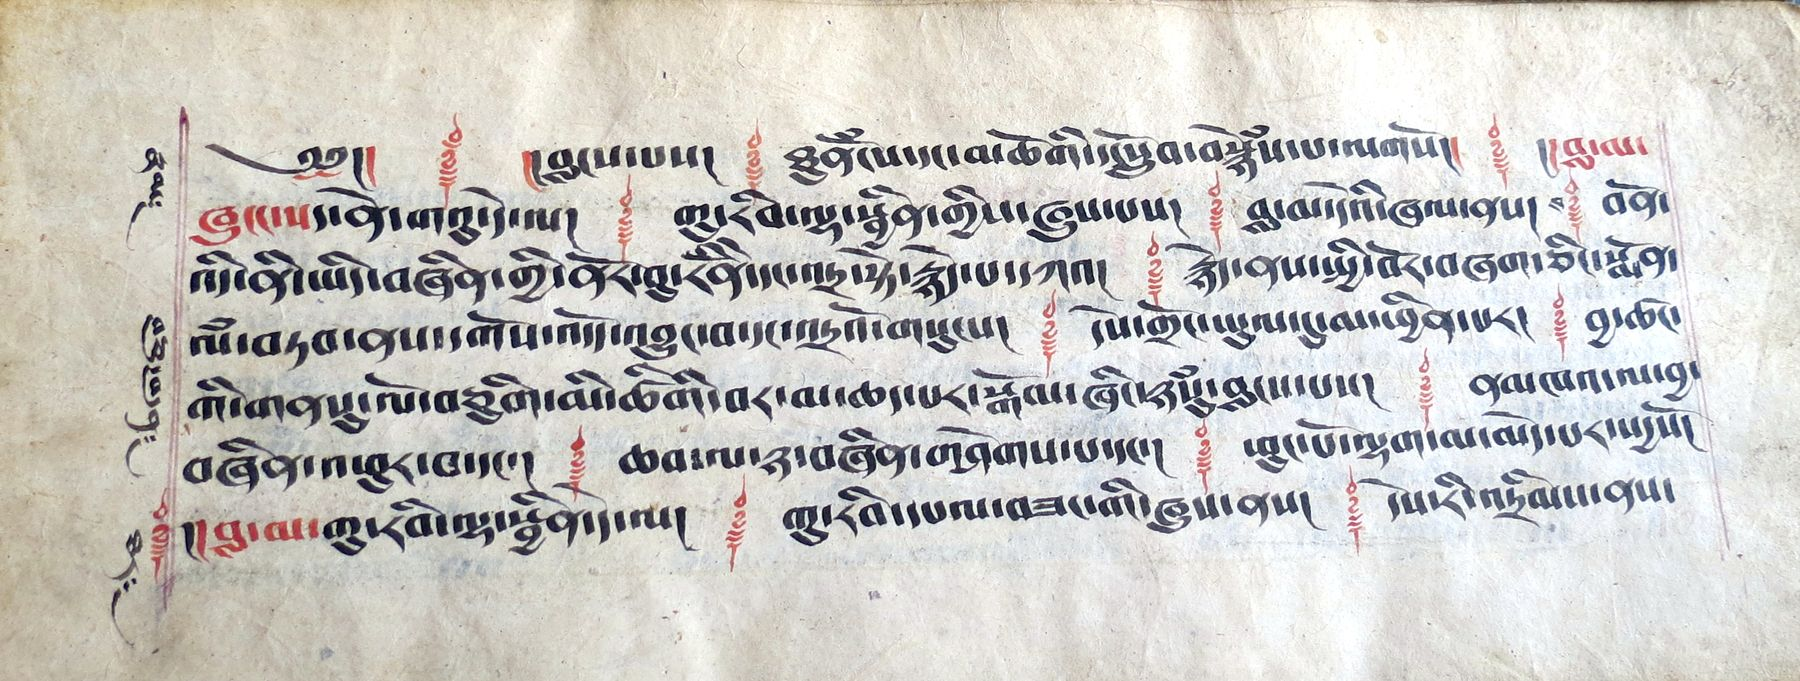བླངས་པས། ཐུན་མོང་དང་མཆོག་གི་དངོས་གྲུབ་བསྙེམས་པ་ལགས་སོ། ། བླ་མ་
ཞང་ཞུང་སད་ནེ་གའུ་དེ་ལ། གུ་རིབ་ལྷ་སྦྱིན་གྱིས་ཞུས། བླ་མ་དེའི་ཞལ་ནས། བོན་
འདི་ནི་ཡིད་བཞིན་གྱི་ནོར་བུ་རིན་པོ་ཆེ་དང་འདྲ་སྟེ། རྙེད་པ་དཀའ་རྙེད་ནས་སྤྱི་བོར་བཞག་ཅིང་སྨོན་
ལམ་བཏབ་ནས། དགོས་འདོད་འབྱུང་བ་དང་འདྲའོ་གསུངས། དེར་གྲོང་ཡུལ་དུ་མ་ཕྱིན་པར། བྱ་ཚང་
གི་གནས་སུ་ལོ་བཅུ་གཅིག་མི་ཚིག་གིས་བར་མ་ཆད་པར་བསྒོམས་ཤིང་། ཉམས་སུ་བླངས་པས། ནམ་མཁའ་ལ་བྱ་
བཞིན་འཕུར་བ་དང་། ཆབ་ལ་ཉ་བཞིན་གཤེགས་པ་དང་། ཕུང་པོ་ལྷག་མ་མེད་པར་སངས་རྒྱས་སོ། 
། བླ་མ་གུ་རིབ་ལྷ་སྦྱིན་ལ། གུ་རིབ་དཔལ་བཟང་གིས་ཞུས་ནས། དེས་རི་འགྲིམས་ནས།